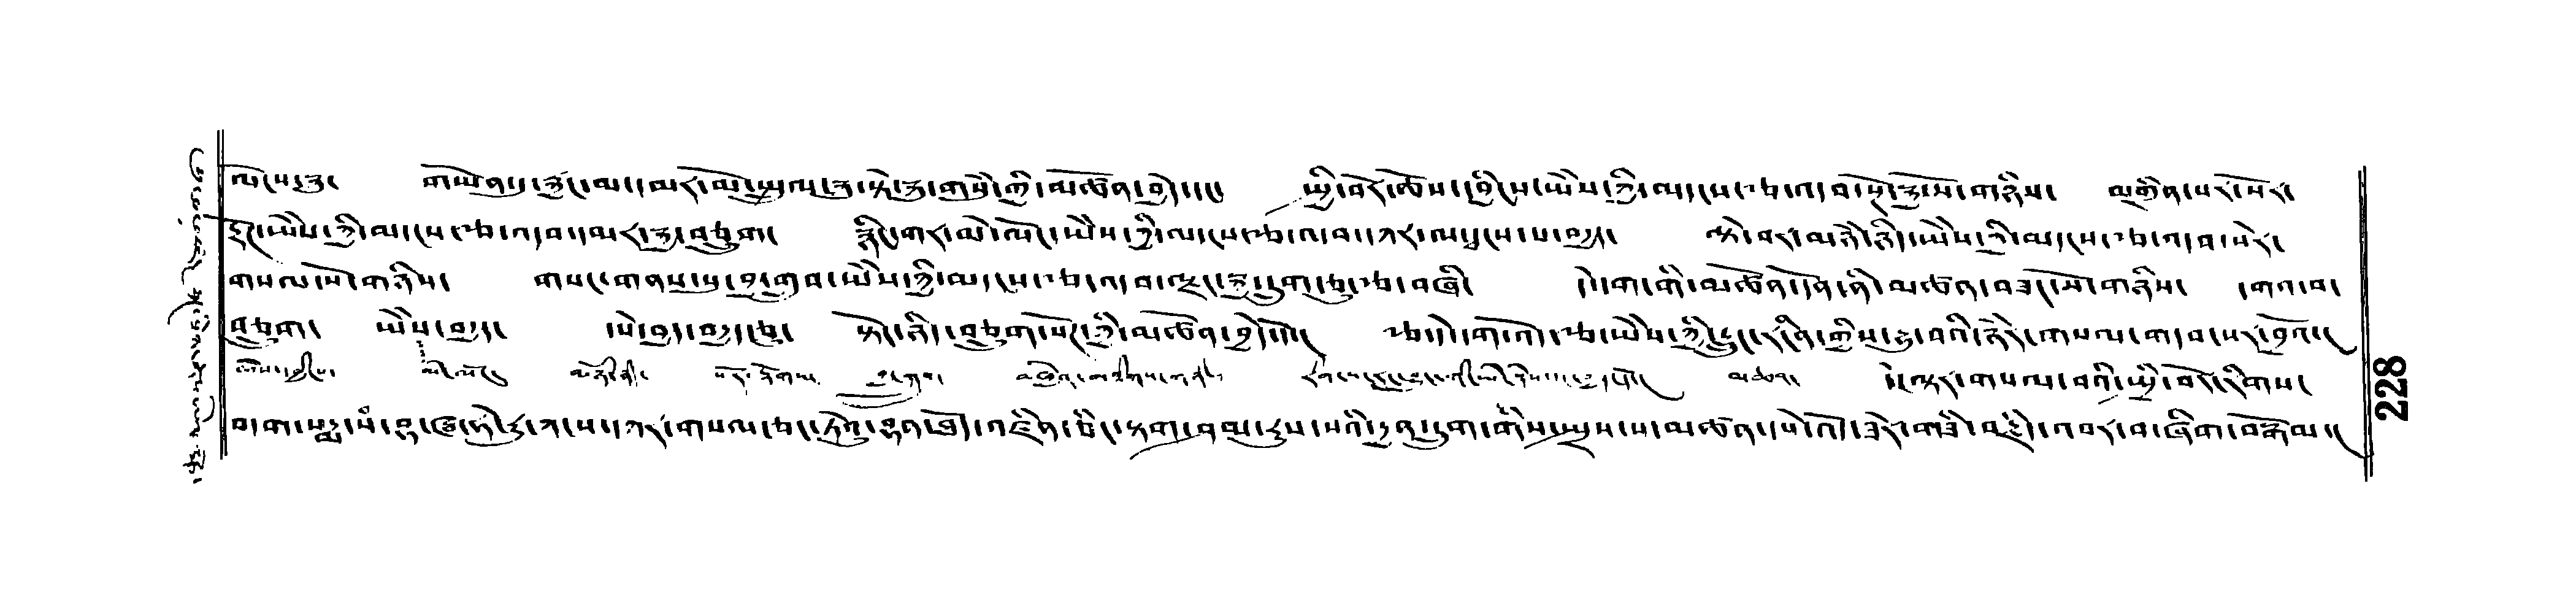ལོངས་སྐུ། གཡོན་དུ་རྐྱང་མ་དམར་མོ་སྤྲུལ་སྐུ་སྟེ་སྐུ་གསུམ་གྱི་མཚོན་བྱེད་དང་། སྤྱི་བོར་ཆོས་དབྱིངས་ཡེ་ཤེས་ཀྱི་མདངས་རྩ་འདབ་སྔོ་སྐྱ་སོ་གཉིས། མགྲིན་པར་སོར་
རྟོགས་ཡེ་ཤེས་ཀྱི་མདངས་རྩ་འདབ་དམར་སྐྱ་བཅུ་དྲུག སྙིང་གར་མེ་ལོང་ཡེ་ཤེས་ཀྱི་མདངས་རྩ་འདབ་དཀར་ལ་དྭངས་པ་བརྒྱད། ལྟེ་བར་མཉམ་ཉིད་ཡེ་ཤེས་ཀྱི་མདངས་རྩ་འདབ་སེར་
གསལ་སོ་གཉིས། གསང་གནས་སུ་བྱ་གྲུབ་ཡེ་ཤེས་ཀྱི་མདངས་རྩ་འདབ་ལྗང་ཁུ་དྲུག་ཅུ་རྩ་བཞི། དེ་དག་གི་མཚོན་དོན་ནི་མཚན་བཟང་སོ་གཉིས། དགའ་བ་
བཅུ་དྲུག ཡེ་ཤེས་བརྒྱད། དཔེ་བྱད་བརྒྱད་ཅུ། སྟོང་ཉིད་བཅུ་དྲུག་སོགས་ཀྱི་མཚོན་བྱེད་དོ། རྩ་དེ་དག་འོད་རྩ་ཡེ་ཤེས་ཀྱི་རླུང་རང་བཞིན་གྱིས་རྒྱུ་བའི་རྣམ་པར་གསལ་གདབ་པར་བྱའོ། 
དེ་ལྟར་གསལ་བའི་སྤྱི་བོར་རིགས་
བདག་པདྨ་སཾ་བྷ་ཝ་ཧེ་རུ་ཀ་པ་དཀར་གསལ་ཅང་ཏེའུ་བྷན་ཐོད་འཛིན་ཅིང་སྟག་ཤམ་རུས་པའི་རྒྱན་དྲུག་གིས་སྤྲས་པ་མཚན་དཔེ་འོད་ཟེར་གཟི་བརྗིད་འབར་བ་ཞིག་བསྒོམ།